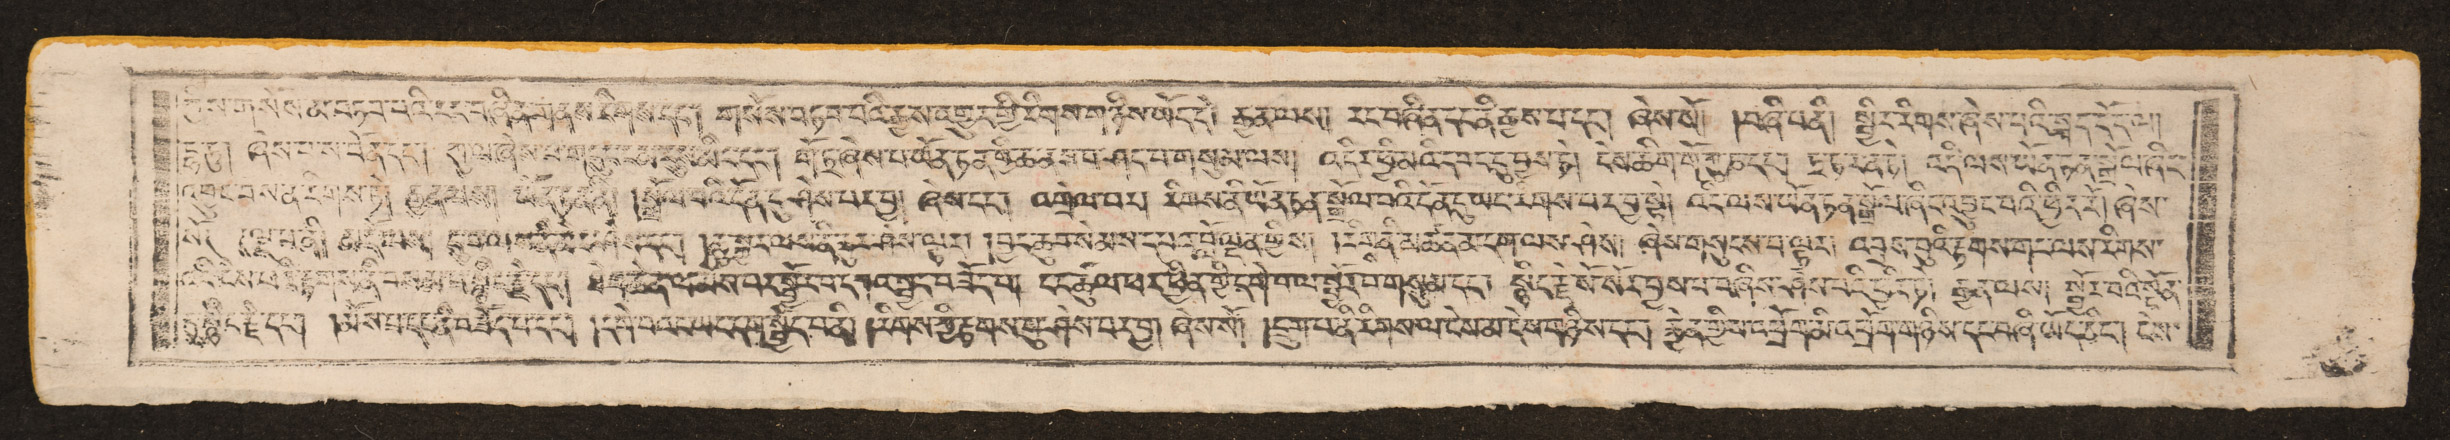ཀྱིས་གསོས་མ་བཏབ་པའི་རང་བཞིན་གནས་རིགས་དང་། གསོས་བཏབ་པའི་རྒྱས་འགྱུར་གྱི་རིགས་གཉིས་ཡོད་དེ། རྒྱན་ལས། རང་བཞིན་དང་ནི་རྒྱས་པ་དང་། ཞེས་སོ། །བཞི་པ་ནི། སྤྱིར་རིགས་ཞེས་པའི་སྐད་དོ་དལ།
དྷ་ཏུ། ཞེས་པ་ས་བོན་དང་། ཀུ་ལ་ཞེས་པ་གདུང་ངམ་རུས་མིང་དང་། གོ་ཏྲ་ཞེས་པ་ཡོན་ཏན་གྱི་ཆ་ནས་བཤད་པ་གསུམ་ལས། འདིར་ཕྱི་མའི་དབང་དུ་བྱས་ཏེ། ངེས་ཚིག་གོ་ཀུཎ་དང་། ཏྲ་ཏ་ར་ན་ཏེ། འདི་ལས་ཡོན་ཏན་སྒྲོལ་ཞིང་
འབྱུང་བས་ན་རིགས་ཏེ། རྒྱན་ལས། ཡོན་ཏན་ནི། །སྒྲོལ་བའི་དོན་དུ་ཤེས་པར་བྱ། ཞེས་དང་། འགྲེལ་བར། རིགས་ནི་ཡོན་ཏན་སྒྲོལ་བའི་དོན་དུ་ཡང་རིགས་པར་བྱ་སྟེ། འདི་ལས་ཡོན་ཏན་སྒྲོལ་ཞིང་འབྱུང་བའི་ཕྱིར་རོ། ཞེས་
སོ༑ ༑ལྔ་པ་ནི། མདོ་ལས། དུ་བ་ལས་ནི་མེར་ཤེས་དང་། །ཆུ་སྐྱར་ལས་ནི་ཆུར་ཤེས་ལྟར། །བྱང་ཆུབ་སེམས་དཔའ་བློ་ལྡན་གྱིས། །རིགས་ནི་མཚན་མ་དག་ལས་ཤེས། ཞེས་གསུངས་བ་ལྟར། འབྲས་བུའི་རྟགས་གང་ལས་རིགས་
འདི་ངེས་པའི་རྟགས་ནི་བསམ་པ་སྙིང་རྗེ་དང་། ཐེག་ཆེན་ལ་མོས་པར་སྦྱོར་བ་དཀའ་སྤྱད་བཟོད་པ། ངང་ཚུལ་ཕར་ཕྱིན་གྱི་དགེ་བ་ལ་སྦྱོར་བ་གསུམ་དང་། སྙིང་རྗེ་སོ་སོར་བྱས་པ་བཞིས་ཤེས་པའི་ཕྱིར་ཏེ། རྒྱན་ལས། སྦྱོར་བའི་སྔོན་
དུ་སྙིང་རྗེ་དང་། །མོས་པ་དང་ནི་བཟོད་པ་དང་། །དགེ་བའང་ཡང་དག་སྤྱོད་པ་ནི། །རིགས་ཀྱི་རྟགས་སུ་ཤེས་པར་བྱ། ཞེས་སོ། །དྲུག་པ་ནི་རིགས་ལ་ངེས་མ་དེས་གཉིས་དང་། རྐྱེན་གྱིས་འཕྲོག་མི་འཕྲོག་གཉིས་དང་བཞི་ཡོད་ཅིང་། ངེས་